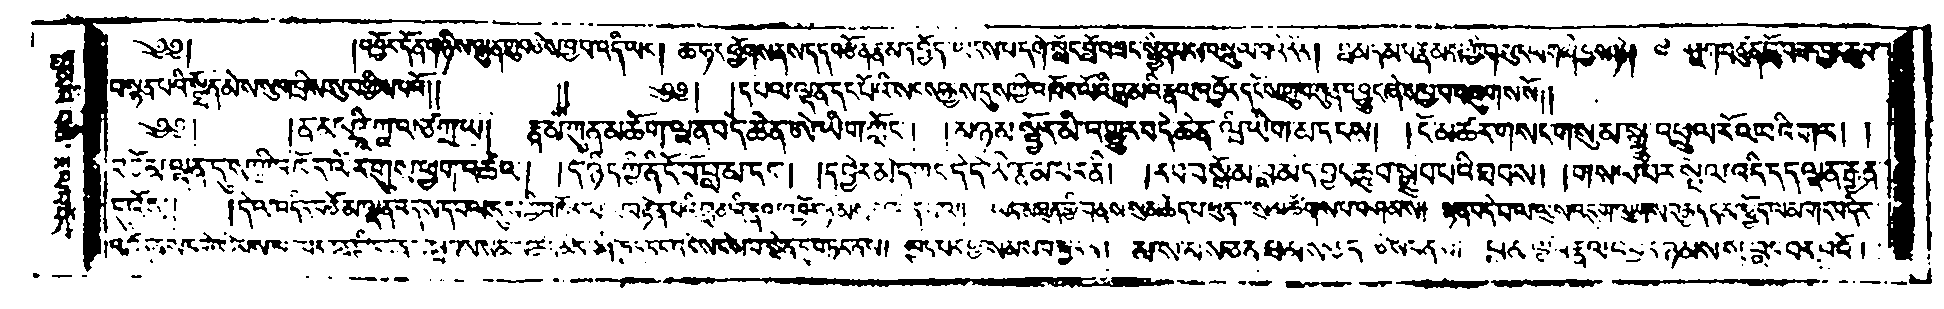༄༅། །འབྱོར་དོན་གཉིས་ལྷུན་གྲུབ་ཅེས་བྱ་བ་འདི་ཡང་། ཆ་ཧར་ཕྱོགས་ནས་དད་བརྩོན་རྣམ་དཔྱོད་ཡངས་པ་དགེ་སློང་བློ་བཟང་སྦྱིན་པས་བསྐུལ་བའི་རོར། བླ་མ་དམ་པ་རྣམས་ཀྱི་གསུང་ལ་གཞི་བྱས་ཏེ། ༧ཤཱཀ་བཙུན་བློ་བཟང་བྱང་ཆུབ་
བསྟན་པའི་སྒྲོན་མེས་སུ་བྲིས་སུ་བགྱིས་པའོ།། །། ༄༅། །དཔལ་ལྡན་དང་པོའི་སངས་རྒྱས་དུས་ཀྱི་འཁོར་ལོའི་བླ་མའི་རྣལ་འབྱོར་དངོས་གྲུབ་ཀུན་འབྱུང་ཞེས་བྱ་བ་བཞུགས་སོ། །
༄༅། །ན་མ་ཤྲཱི་ཀཱ་ལ་ཙ་ཀྲ་ཡ། རྣམ་ཀུན་མཆོག་ལྡན་བདེ་ཆེན་ཨེ་ཡིག་ཀློང་། །མཉམ་སྦྱོར་མི་འགྱུར་བདེ་ཆེན་ཝཾ་ཡིག་མདངས། །ངོ་མཚར་གསང་གསུམ་སྒྱུ་འཕྲུལ་རོལ་བའི་གར། །
བཅོམ་ལྡན་དུས་ཀྱི་འཁོར་ལོར་གུས་ཕྱག་འཚལ། །དེ་ཉིད་ཀྱི་ནི་ངོ་བོ་བླ་མ་དང་། །དབྱེར་མེད་གང་དེ་དེ་ཡི་རྣམ་པར་ནི། །རབ་བསྒོམ་བླ་མེད་བྱང་ཆུབ་སྒྲུབ་པའི་ཐབས། །གསལ་བར་སྤེལ་འདི་དད་ལྡན་རྒྱན་
དུ་འོས། །དེ་ལ་འདིར་བཅོམ་ལྡན་འདས་དཔལ་དུས་ཀྱི་འཁོར་ལོ་ལ་བརྟེན་པའི་བླ་མའི་རྣལ་འབྱོར་ཉམས་སུ་ལེན་པ་ལ། ཡིད་མཐུན་གྱི་གནས་སུ་མཆོད་པ་ཕུན་སུམ་ཚོགས་པ་བཤམས། སྟན་བདེ་པ་ལ་ལུས་འདུག་ལུགས་བརྒྱད་དམ་སྤྱོད་ལམ་གང་བདེར་
འཁོད་ནས་དགེ་སེམས་ཁྱད་པར་ཅན་གྱི་ངང་ནས་སྐྱབས་སེམས་ཚད་མེད་བཞི་རྒྱུ་དང་འདྲེས་ངེས་པ་སྔོན་དུ་བཏང་ནས། ཁྱད་པར་གྱི་སེམས་བསྐྱེད་ནི། མ་སེམས་ཅན་ཐམས་ཅད་ཅེས་པ་ནས།  བླ་མ་ལྷའི་རྣལ་འབྱོར་ཉམས་སུ་བླང་བར་བྱའོ། །